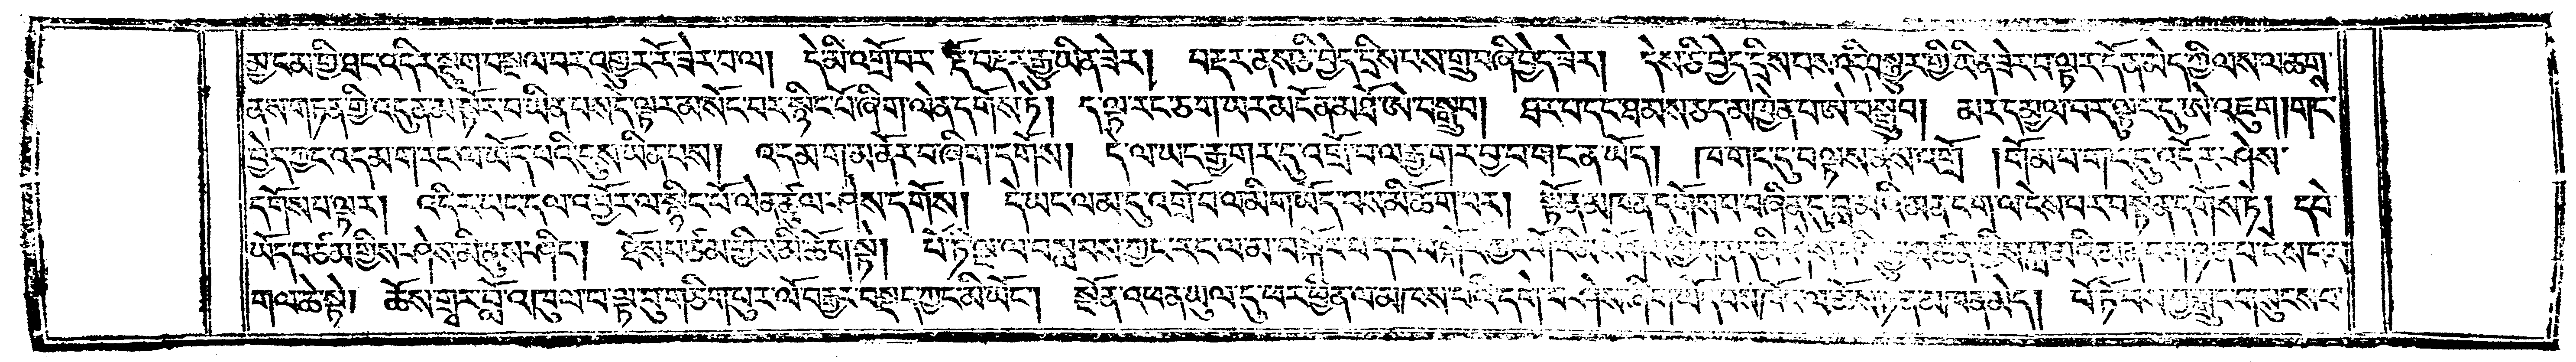མྱ་ངམ་གྱི་ཐང་འདིར་སྡུག་བསྔལ་བར་འགྱུར་རོ་ཟེར་བ་ལ། དེ་མི་འགྲོ་བར་རྡོ་བརྡར་རྒྱུ་ཡིན་ཟེར། བརྡར་ནས་ཅི་བྱེད་དྲིས་པས་གྲུ་བཞི་བྱེད་ཟེར། དེས་ཅི་བྱེད་དྲིས་པས་འདི་བསྐྱུར་གྱི་ཡིན་ཟེར་བ་ལྟར་དོན་མེད་ཀྱི་ལས་ལ་ཆགས་
ནས་གཏན་གྱི་འདུན་མ་སྟོར་བ་ཡིན་པས་དེ་ལྟར་མ་སོང་བར་སྙིང་པོ་ཞིག་ལེན་དགོས་ཏེ། ད་ལྟར་རང་ཅག་ཡར་མངོན་མཐོ་ཨེ་བསྒྲུབ། ཐར་པ་དང་ཐམས་ཅད་མཁྱེན་པ་ཨེ་བསྒྲུབ། མར་དམྱལ་བར་ལྟུང་དུ་ཨེ་འཇུག། །གང་
བྱེད་ཀྱང་འདམ་ག་རང་ལ་ཡོད་པའི་དུས་ཡིན་པས། འདམ་གམ་ནོར་བ་ཞིག་དགོས། དེ་ལ་ཡང་རྒྱ་གར་དུ་འགྲོ་བ་ལ་རྒྱ་གར་བྱ་བ་གང་ན་ཡོད། ཁ་གང་དུ་བལྟས་ནས་འགྲོ་།གོམ་པ་གང་དུ་འདོར་ཤེས་
དགོས་པ་ལྟར། འདིར་ཡང་དལ་འབྱོར་ལ་སྙིང་པོ་ལེན་ཚུལ་ཤེས་དགོས། དེ་ཡང་ལམ་དུ་འགྲོ་བ་ལ་མིག་ཡོད་པས་མི་ཆོག་པར། སྟོན་མཁན་དགོས་པ་བཞིན་དུ་བླ་མའི་མན་ངག་ལ་ངེས་པར་བསྟེན་དགོས་ཏེ། དཔེ་
ཡོད་པ་ཙམ་གྱིས་ཤེས་མི་ནུས་ཤིང་། ཐོས་པ་ཙམ་གྱིས་མི་ཆོག་སྟེ། པོ་ཏི་ལྔ་ལ་བསླབས་ཀྱང་རང་ལམ་བསྐོར་བ་དང་བསྐོར་ཀྱང་གོ་རིམ་སོགས་ཀྱི་གནད་མི་ཤེས་པའི་རྒྱུ་མཚན་གྱིས་བླ་མའི་མན་ངག་ཉན་པ་ངོས་པར་
གལ་ཆེ་སྟེ། ཆོས་གྲྭར་བློ་འཁུལ་བ་ལྟ་བུ་གཅིག་པུར་ལོ་བརྒྱར་བསྡད་ཀྱང་མི་ཡོང་། སྔོན་འཕན་ཡུལ་དུ་ཕར་ཕྱིན་ལ་མཁས་པའི་དགེ་བཤེས་ཞིག་ཡོད་པས་ཁོང་ལ་ཆོས་ཉན་མཁན་མེད། པོ་ཏོ་བས་བྱ་སྒྲུང་གསུངས་པ་